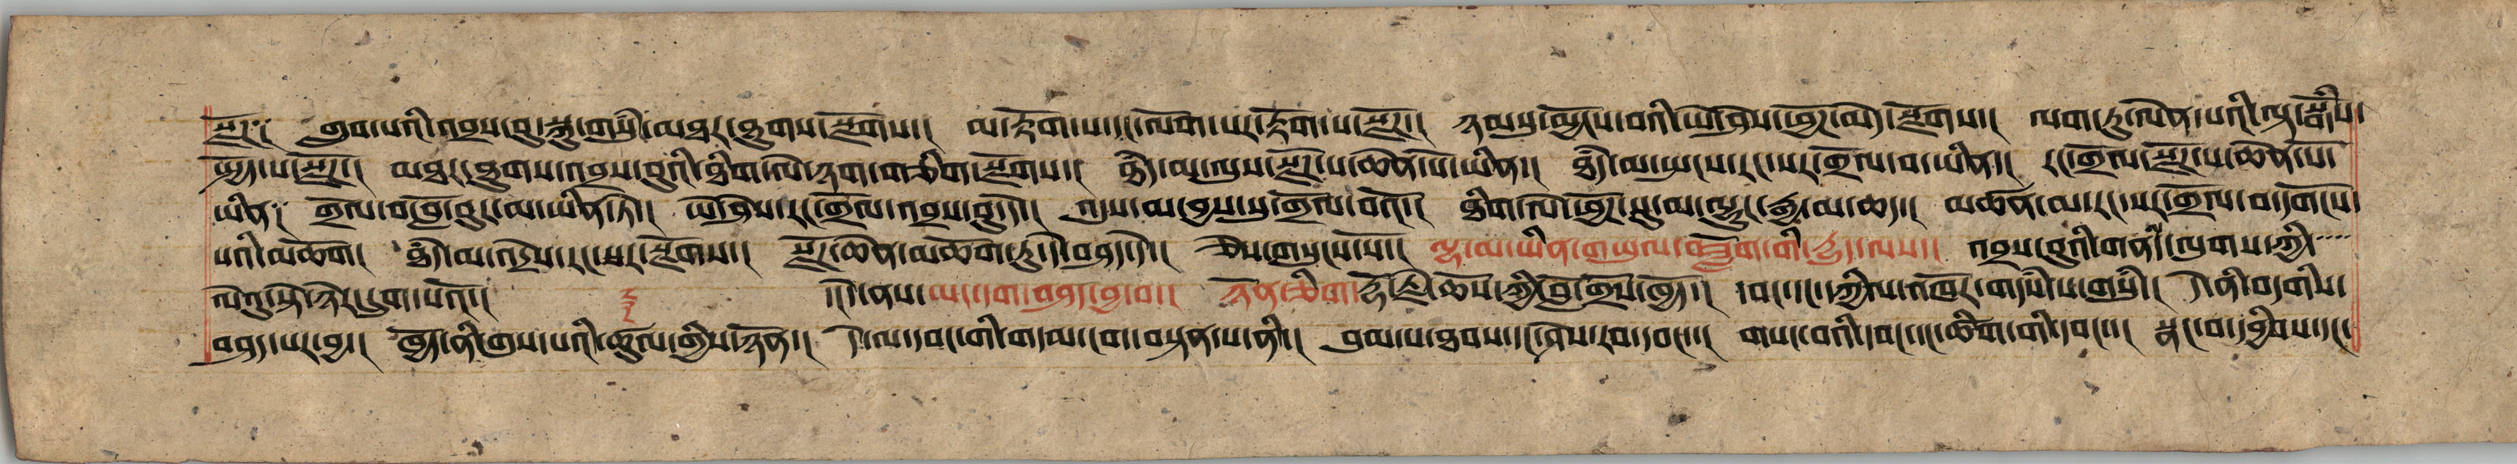སྫོཌ༑ གྲུབ་པའི་འབྲས་བུ་སྐུ་གསུཾ་མཐར་ཐུགས་སྫོགས་། མ་རྟོག་པ་དང་ལོག་པར་རྟོག་པ་སྫོཌ་། ཉམསུ་མྱོངས་བའི་ཡེ་ཤེས་ཕྱོཌ་མེད་སྫོགས་། ལག་ཏུ་ལེན་པའི་ལྟ་སྒོཾས་།
སྤྱོད་པ་སྫོཌ་། མཐར་ཐུགས་འབྲས་བུའི་ཐིག་ལེ་ཉག་གཅིག་སྫོགས་། ཐཾད་མ་ལུས་སྫོཌ་པ་ཆེན་པོ་ཡིན་། ཐཾད་མ་སྤངས་རང་སར་གྲོལ་བ་ཡིན་། རང་གྲོལ་སྫོཌ་པ་ཆེན་པོ་
ཡིན༑ གྲོལ་བ་བློ་བུར་མ་ཡིན་ཏེ་། ཡེ་ཤེས་རང་གྲོལ་འབྲས་བུ་དེ་། འདུས་མ་བྱས་སུ་གྲོལ་བའོ་། ཐིག་ལེ་ཕྱོཌ་སུ་མ་ལྷུང་རྒྱ་མ་ཆད་། མཚན་མ་རང་སར་གྲོལ་བ་དགོངས་
པའི་མཆོག། ཐཾད་མ་འདྲེས་རང་སར་སྫོགས་། སྫོཌ་ཆེན་མཆོག་ཏུ་དེ་བཤད་དེ་། ཅེས་གསུངས་སོ་། ལྷ་མ་ཡིན་གཡུལ་བཟློག་གི་དྱུད་ལས་། འབྲས་བུའི་གནད་ལུགས་ཀྱི་
ལེའུ་སྟེ་ཉེར་དྲུག་པའོ་། ༈ ་།དེ་ནས་ཡང་དག་བཤད་བྱ་བ་། ཉོན་ཅིག་རྡོ་རྗེ་ཆོས་ཀྱི་བློ་གྲོས་ཁྱོད་། དབང་དང་དཀྱིལ་འཁོར་གདཾས་པ་གསུཾ་། དེ་ནི་བདགིས་
བཤད་པར་བྱ་། ཁྱོད་ནི་གུས་པའི་ཚུལ་གྱིས་ཉོན་། དེ་ལ་དབང་གི་གདམ་ངག་བསྟན་པ་ནི་། བུམ་པ་ཐབས་དང་ཤེས་རབ་དབང་་། གསང་བའི་དབང་དང་ཚིག་གི་དབང་་། སྣང་བ་དབྱིངས་དང་